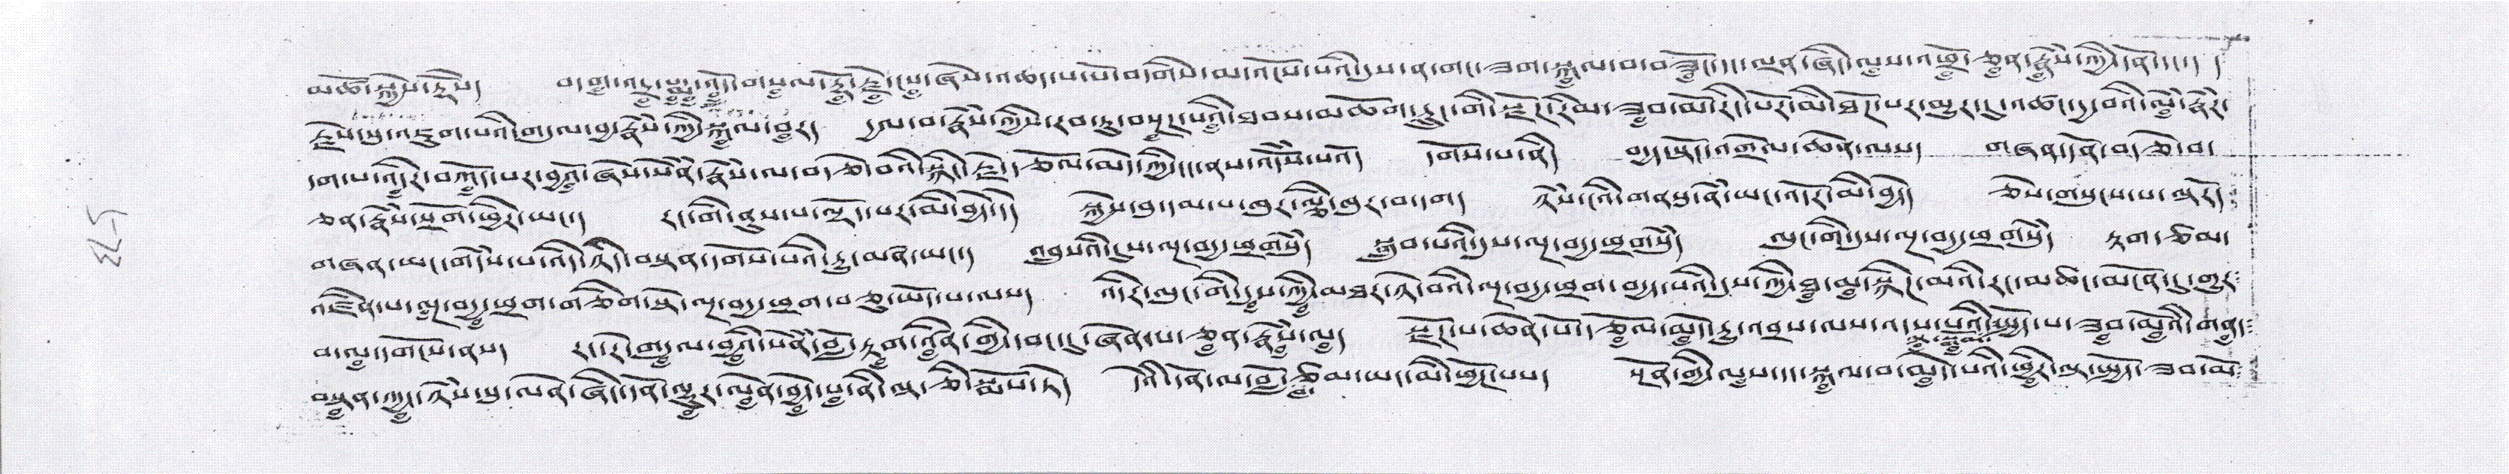མཚོ་སྐྱེས་རྡོ་རྗེས། བདག་འདྲ་པདྨ་འོད་གསལ་རྡོ་རྗེ་ངས་ཞེས་འཆད་པ་པོ་བདག་གིས་མ་འོངས་པའི་དུས་ན་གང་ཟག་སྐལ་པ་བཟང་པོ་དང་ལྡན་ཞིང་ལས་འཕྲོ་ཅན་རྣམས་ཀྱི་དོན་དང་། 
རྗེས་སུ་འཇུག་པའི་གདུལ་བྱ་རྣམས་ཀྱི་སྐལ་བར། རྒྱལ་་བ་རྣམས་ཀྱིས་རབ་ཏུ་བསྔགས་པའི་ཐབས་མཆོག་རླུང་གི་རྫོགས་རིམ་ཟབ་མོ་རིང་པོར་མི་ཐོགས་པར་མྱུར་དུ་འཚང་རྒྱ་བའི་ལམ་རྣམ་པར་
དག་པ་འདིར་བཀོད་པར་བྱའོ་ཞེས་སེམས་ཅན་རྣམས་ལ་བརྩེ་བའི་སྙིང་རྗེ་རྩོལ་མེད་ཀྱི་ངང་ནས་འདོམས་པའོ། །དགོས་པ་ནི། བརྒྱད་སྟོང་འགྲེལ་ཆེན་ལས། གཞན་དོན་བརྩེ་བ་
ཅན་རྣམས་སྲོག་ཕྱིར་ཡང་། རང་གི་ནུས་པ་ལྷོད་པར་མི་བྱེད་དེ། སྐྱེས་བུ་དམ་པ་ཁུར་ལྕི་ཁུར་བ་དག །ཉམ་ངའི་གནས་སུ་ནམ་ཡང་འདོར་མི་བྱེད། །ཅེས་གསུངས་པ་ལྟར་རོ། 
གཞན་ཡང་གདམས་པ་འདི་ཉིད་བསྟན་དགོས་པའི་རྒྱུ་མཚན་ཡང་། འབྲས་བུའི་དུས་ལྔ་བརྒྱ་ཕྲག་གསུམ། སྒྲུབ་པའི་དུས་ལྔ་བརྒྱ་ཕྲག་གསུམ། ལུང་གི་དུས་ལྔ་བརྒྱ་ཕྲག་གསུམ། རྟགས་ཙམ་
འཛིན་པ་ལྔ་བརྒྱ་ཕྲག་གཅིག་སྟེ་ལྔ་བརྒྱ་ཕྲག་བཅུ་ཡོད་པ་ལས། འདིར་ལུང་གི་ལུས་ཀྱི་མཐར་ཉེ་བའི་ལྔ་བརྒྱ་ཕྲག་བརྒྱད་པའི་དུས་ཀྱི་ཐ་མ་སྙིགས་མའི་རང་མཚན་མངོན་དུ་གྱུར་
པ་ལ་དགོངས་ནས། རང་རེ་གདུལ་བྱའི་སེམས་ཅན་བློ་རྟག་འཛིན་གྱི་དབང་དུ་ཞེན་པ་ཅན་རྣམས་ལ། རྫོགས་པ་ཆེན་པོ་རྩོལ་མེད་རྒྱུ་འབྲས་ལས་འདས་པའི་རྩོལ་མེད་ལྟ་སྒོམ་སྤྱོད་པ་ཟབ་མོའི་གནས་
བསྟན་ཀྱང་ཉམས་སུ་ལེན་ཞིང་དོན་ལྷུན་ལེན་བྱེད་པ་ནི་ལྟ་ཅི་སྨོས་ཏེ། དེའི་དོན་ལ་བློ་ཁ་ཙམ་ཡང་མི་ཕྱོགས་པས། སྔོན་གྱི་ལས་དང་སྐལ་པ་མེད་པའི་ཕྱིར་ལྟ་སྤྱོད་ཟབ་མོ་